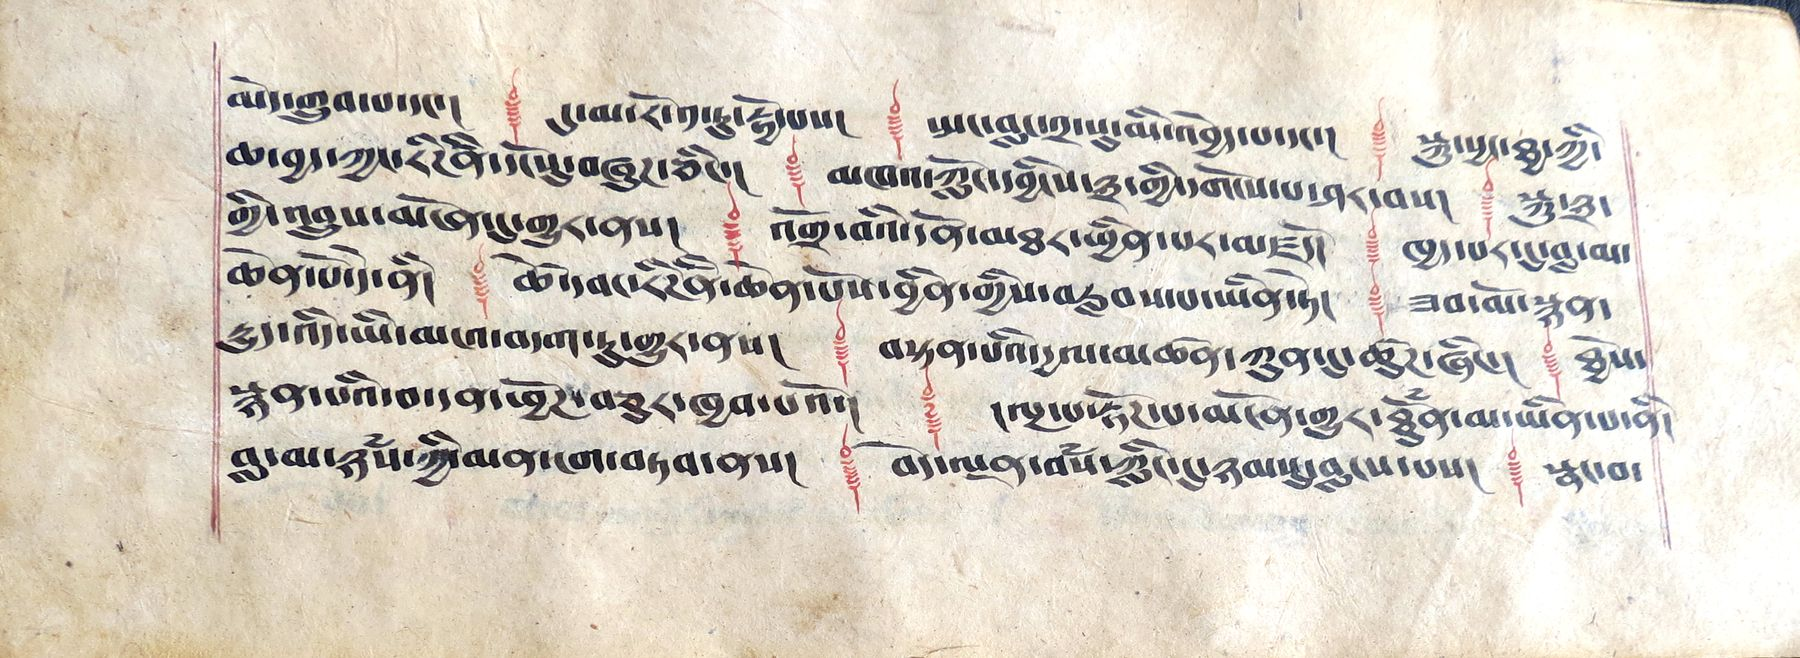མེད་དུ་གྲུབ་པ་དང་། དུ་མ་རོ་གཅིག་ཏུ་རྟོགས་པས་སྤང་བླང་གཉིས་སུ་མི་འབྱེད་པ་དང་། སྐུ་གསུང་ཐུགས་ཀྱི་
ཆ་བྱད་ཀྱང་རིག་འཛིན་དངོས་སུ་བཞུགས་ཤིང་། མཁའ་ཀློང་དབྱིངས་གསུམ་གྱི་དགོངས་པ་ཤར་བས། སྐུ་གསུམ་
གྱི་འབྲས་བུ་མངོན་དུ་གྱུར་ནས། འགྲོ་བའི་དོན་མཐར་ཕྱིན་པར་མཛད་དོ། ། ཁྱད་པར་དུ་བླ་མ་
ཆེན་པོ་དེ་ནི། ཚེ་དབང་རིག་འཛིན་ཆེན་པོས་བྱིན་གྱིས་བརླབས་པ་ཡིན་ཏེ། ཟབ་མོ་སྙན་
རྒྱུད་འདིའི་མངའ་བདག་ཏུ་གྱུར་ནས། བསྟན་པའི་རྒྱལ་མཚན་ཚུགས་ཤིང་ཐུགས་རྗེ་
སྙན་པའི་བ་དན་ཕྱོགས་བཅུར་ཁྱབ་པའོ། ། ལྔ་པ་རྟོགས་པ་མངོན་གྱུར་ཐུན་མོང་མ་ཡིན་པ་ནི། 
བླ་མས་ཉམས་ཀྱི་མན་ངག་བཏབ་ནས་བདེ་ལྡན་བསམ་གླིང་དུ་ཉམས་སུ་བླངས་པས། སྣང་བ་